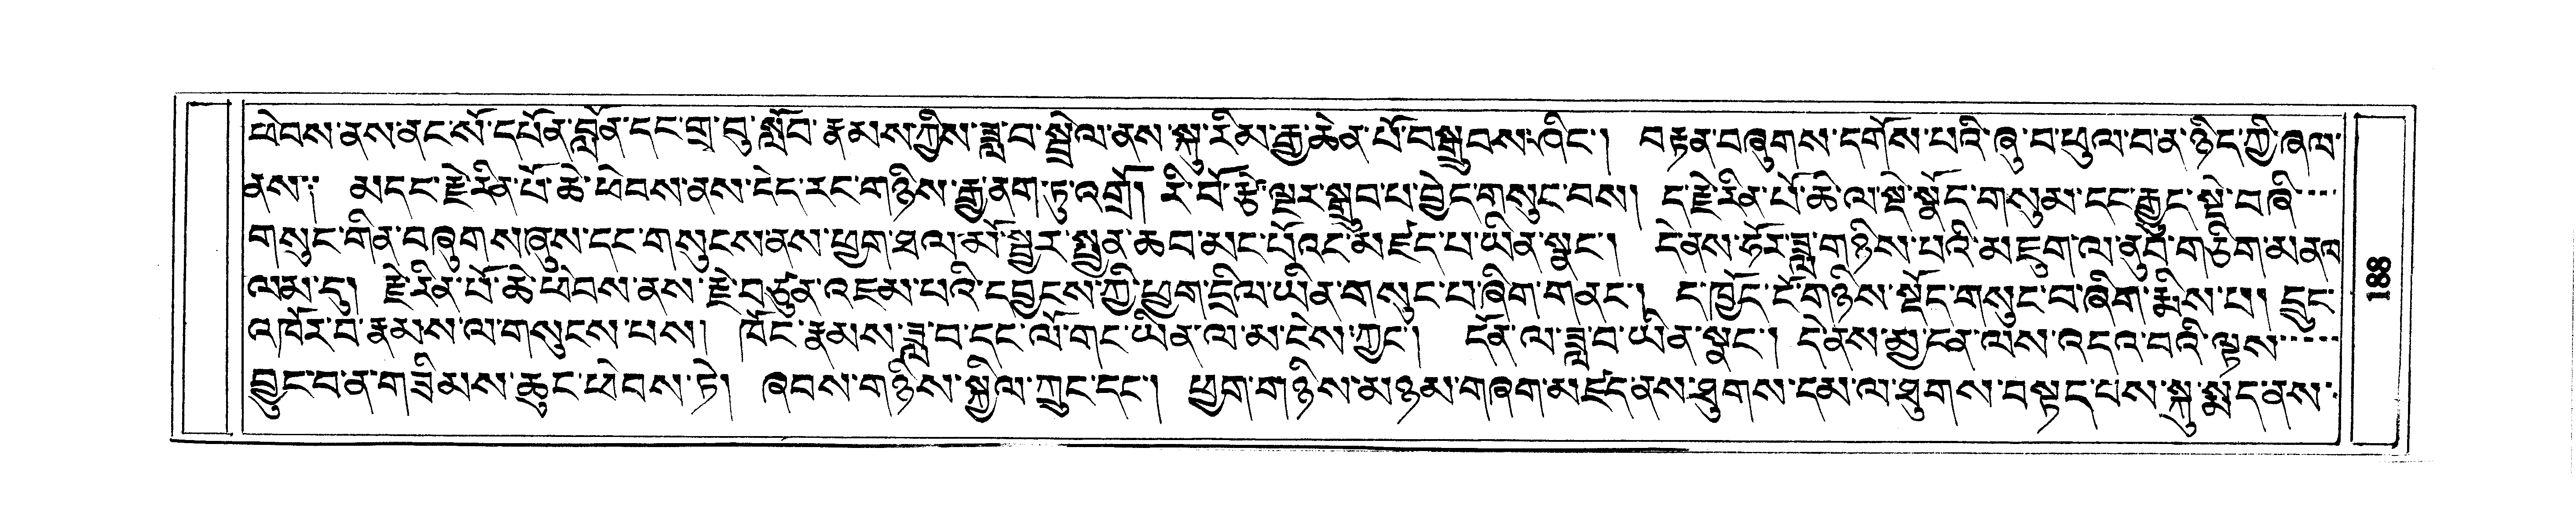ཕེབས་ནས་ནང་སོ་དཔོན་བློན་དང་གྲྭ་བུ་སློབ་རྣམས་ཀྱིས་ཟླ་བ་སྦྲེལ་ནས་སྐུ་རིམ་རྒྱ་ཆེན་པོ་བསྒྲུབས་ཤིང་། བརྟན་བཞུགས་དགོས་པའི་ཞུ་པ་ཕུལ་བ་ན་ཉིད་ཀྱི་ཞལ་
ནས༑ མདང་རྗེ་རིན་པོ་ཆེ་ཕེབས་ནས་དེད་རང་གཉིས་རྒྱ་ནག་ཏུ་འགྲོ། རི་བོ་རྩེ་ལྔར་སྒྲུབ་པ་བྱེད་གསུང་བས། ད་རྗེ་རིན་པོ་ཆེ་ལ་སྡེ་སྣོད་གསུམ་དང་རྒྱུད་སྡེ་བཞི་
གསུང་གིན་བཞུགས་ཞུས་དང་གསུངས་ནས་ཕྱག་ཐལ་མོ་སྦྱར་སྤྱན་ཆབ་མང་པོའང་མཛད་པ་ཡིན་སྣང་། དེ་ནས་ཧོར་ཟླ་གཉིས་པའི་མཇུག་ལ་ནུས་གཅིག་མནལ་
ལམ་དུ། རྗེ་རིན་པོ་ཆེ་ཕེབས་ནས་རྗེ་བཙུན་འཇམ་པའི་དབྱངས་ཀྱི་ཕྱག་དྲིལ་ཡིན་གསུང་པ་ཞིག་གནང་། ད་ཁྱོད་ངོ་གཉིས་སྡོད་གསུང་བ་ཞིག་རྨིས་པ། དྲུང་
འཁོར་བ་རྣམས་ལ་གསུངས་པས། ཁོང་རྣམས་ཟླ་བ་དང་ལོ་གང་ཡིན་ལ་མ་ངེས་ཀྱང་། དོན་ལ་ཟླ་བ་ཡིན་སྣང་། དེ་ནས་མྱ་ངན་ལས་འདའ་བའི་ལྟས་
བྱུང་བ་ནི་གཟིམས་ཆུང་ཕེབས་ཏེ། ཞབས་གཉིས་སྐྱིལ་ཀྲུང་དང་། ཕྱག་གཉིས་མཉམ་གཞག་མཛད་ནས་ཐུགས་དམ་ལ་ཐུགས་བསྟད་པས་སྐུ་སྨད་ནས་